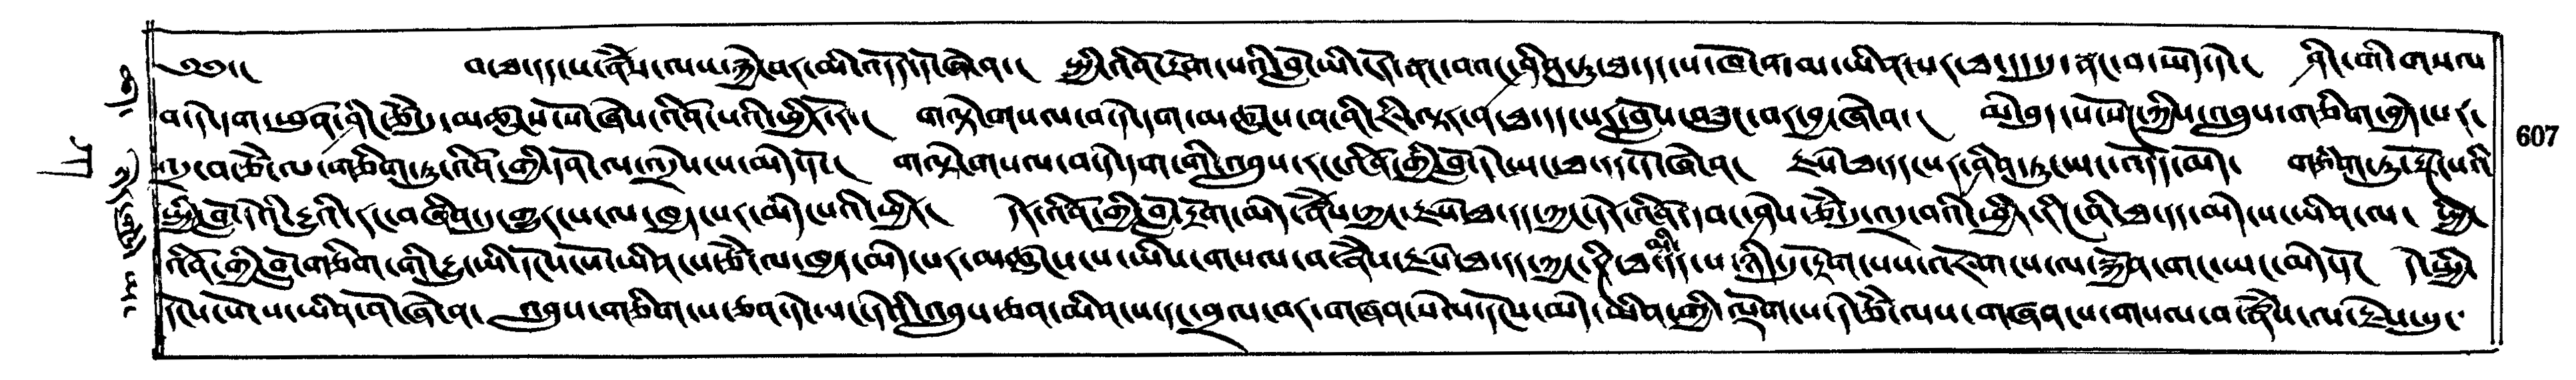བ་ཐ་དད་པ་རྣམས་ལས་སྐྱེ་བར་མི་འདོད་དོ་ཞེ་ན། སྤྱི་འཛིན་རྟོག་པའི་བློའི་ངོར་སྣང་བའམ་ཤིན་ཏུ་ཐ་དད་པ་ཁོ་ན་མ་ཡིན་པར་ཐ་དད་དུ་སྣང་བ་ཡོད་དེ། ཤིང་གི་གསལ་
བ་དེ་དག་ཕན་ཚུན་ཤིང་ཙམ་དུ་མཚུངས་སོ་ཞེས་འཛིན་པའི་ཕྱིར་རོ།། གལ་ཏེ་གསལ་བ་དེ་དག་མཚུངས་པ་ནི་ཇི་ལྟར་ན་ཐ་དད་པར་བློས་བཟུང་བར་བྱ་ཞེ་ན། མེ་བུད་པ་སོགས་ཀྱིས་འབྲས་བུ་གཅིག་བྱེད་པར་
འདྲ་བ་ཙམ་ལ་གཅིག་ཏུ་འཛིན་གྱི་དོན་ལ་འདྲེས་པ་མེད་དོ།། གལ་ཏེ་གསལ་བ་དེ་དག་གི་འབྲས་བུ་རང་འཛིན་གྱི་བློ་དེ་ཡང་ཐ་དད་དོ་ཞེ་ན། རྫས་ཐ་དད་པར་ཤིན་ཏུ་ཡང་འདོད་མོད། གཅིག་ཏུ་རྟོགས་པའི་
སྤྱི་བློ་དེའི་རྒྱུའི་རང་བཞིན་དུ་གྱུར་པ་ལ་ཁྱད་པར་མེད་པའི་ཕྱིར།དེར་འཛིན་གྱི་བློ་རྟོག་མེད་རྣམས་ཀྱང་རྫས་ཐ་དད་ཀྱང་དེར་འཛིན་དབང་ཤེས་ཙམ་དུ་འདྲ་བའི་ཕྱིར་རིགས་ནི་ཐ་དད་མེད་པ་ཡིན་ལ། སྤྱི་
འཛིན་གྱི་བློ་གཅིག་གི་རྒྱུའི་དངོས་པོ་ཡིན་པ་ཙམ་ལ་ཁྱད་མེད་པར་མཚུངས་པ་ཡིས་གསལ་བ་རྣམས་རྫས་ཐ་དད་ཀྱང་རིགས་ཐ་མི་དད་པ་ཉིད་དུ་རྟོག་པས་འཇོག་པ་ལ་སྐྱོན་གང་ཡང་མེད་དོ།། དེ་སྤྱི་
དངོས་པོ་པ་ཡིན་ནོ་ཞེ་ན། འབྲས་བུ་གཅིག་པ་ཅན་དེ་ཡང་དེའི་འབྲས་བུ་ཅན་མིན་པ་དང་བྲལ་བར་གཞན་སེལ་དངོས་མེད་མིན་གྱི་ལྡོག་པ་དེ་ཙམ་ལས་གཞན་པ་གསལ་བ་རྣམས་ལ་རྗེས་སུ་